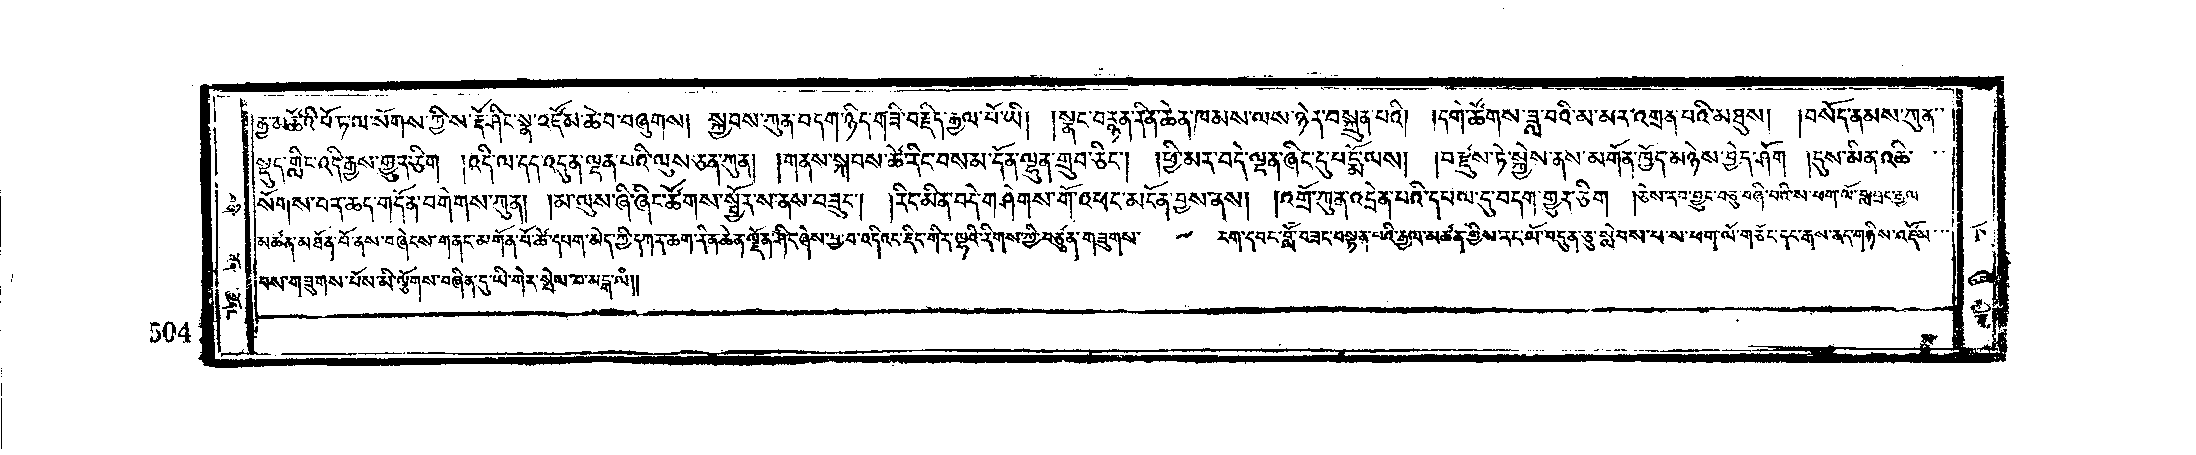རྒྱ་མཚོའི་པོ་ཏ་ལ་སོགས་ཀྱིས་རྡོ་ཤིང་སྣ་འཛོམ་ཆེ་བ་བཞུགས། སྐྱབས་ཀུན་བདག་ཉིད་གཟི་བརྗིད་རྒྱལ་པོ་ཡི། །སྣང་བརྙན་རིན་ཆེན་ཁམས་ལས་ཉེར་བསྐྲུན་པའི། །དགེ་ཚོགས་ཟླ་བའི་མ་མར་འགྲན་པའི་མཐུས། །བསོད་ནམས་ཀུན་
སྡུད་གླིང་འདི་རྒྱས་གྱུར་ཅིག །འདི་ལ་དད་འདུན་ལྡན་པའི་ལུས་ཅན་ཀུན། །གནས་སྐབས་ཚེ་རིང་བསམ་དོན་ལྷུན་གྲུབ་ཅིང་། །ཕྱི་མར་བདེ་ལྡན་ཞིང་དུ་པདམོ་ལས། །བརྫུས་ཏེ་སྐྱེས་ནས་མགོན་ཁྱོད་མཉེས་བྱེད་ཤོག །དུས་མིན་འཆི་
སོགས་བར་ཆད་གདོན་བགེགས་ཀུན། །མ་ལུས་ཞི་ཞིང་ཚོགས་སྦྱོར་ས་ནས་བཟུང་། །རིང་མིན་བདེ་གཤེགས་གོ་འཕང་མངོན་བྱས་ནས། །འགྲོ་ཀུན་འདྲེན་པའི་དཔལ་དུ་བདག་གྱུར་ཅིག །ཅེས་རབ་བྱུང་བཅུ་བཞི་པའི་ས་ཕག་ལོ་བླ་བྲང་རྒྱལ་
མཚན་མཐོན་པོ་ནས་བཞེངས་གནང་མགོན་པོ་ཚེ་དཔག་མེད་ཀྱི་དཀར་ཆག་རིན་ཆེན་ལྗོན་ཤིང་ཞེས་བྱ་བ་འདིའང་ཇིང་གིར་ལྷའི་རིགས་ཀྱི་བཙུན་གཟུགས ༧་ངག་དབང་བློ་བཟང་བསྟན་པའི་རྒྱལ་མཚན་གྱིས་རང་ལོ་བདུན་ཅུ་སླེབས་པ་ས་ཕག་ལོ་གཅོང་དང་རྒས་ནད་གཉིས་འཛོམ་
པས་གཟུགས་པོས་མི་ལྕོགས་བཞིན་དུ་ཡི་གེར་སྤེལ་བ་མངྒ་ལཾ།།